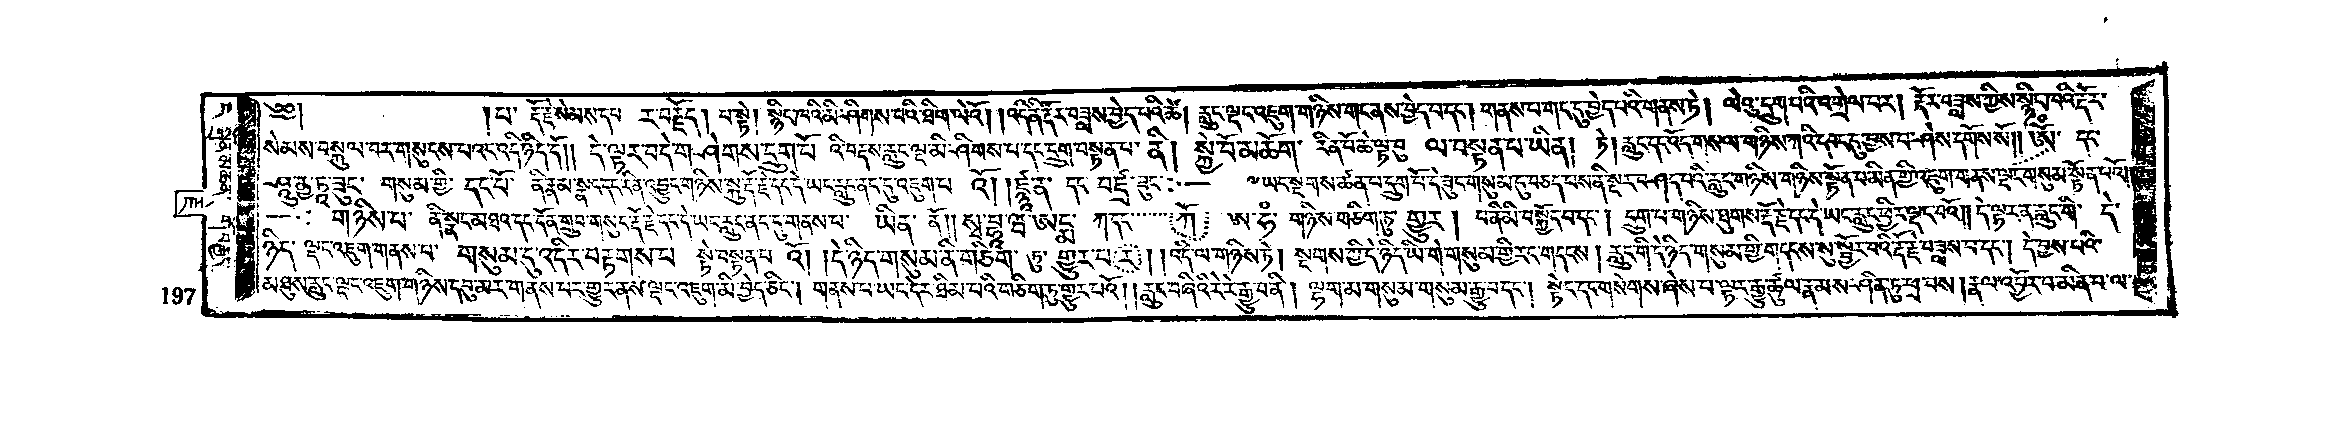༄༅། །པ་རྡོ་རྗེ་སེམས་དཔར་བརྗོད། པ་སྟེ། སྙིང་བའི་མི་ཤིགས་པའི་ཐིག་ལེའོ། །འདི་ནི་རྡོར་བཟླས་བྱེད་པའི་ཚེ། རླུང་ལྡང་འཇུག་གཉིས་གང་ནས་བྱེད་པ་དང་། གནས་པ་གང་དུ་བྱེད་པའི་གནས་ཏེ། ལེའུ་དྲུག་པའི་འགྲེལ་པར། རྡོར་བཟླས་ཀྱིས་སྙིང་ཁའི་རྡོར་
སེམས་བསྐུལ་བར་གསུངས་པའང་འདི་ཉིད་དོ།། དེ་ལྟར་བདེ་གཤེགས་དྲུག་པོའི་བརྡས་རླུང་ལྔ་མི་ཤིགས་པ་དང་དྲུག་བསྟན་པ་ནི། སྐྱེ་བོ་མཆོག་རིན་པོ་ཆེ་ལྟ་བུ་ལ་བསྟན་པ་ཡིན། ཏེ། རླུང་དང་འོད་གསལ་གཉིས་ཀའི་དབང་དུ་བྱས་པ་ཤེས་དགོས་སོ།།  ཨོཾ་དང
ཤཱུ་ནྱ་ཏཱ་ཟུང་གསུམ་གྱི་དང་པོ་ནི་རྣམ་སྣང་དང་རིན་འབྱུང་གཉིས་སྐུ་རྡོ་རྗེ་དང་དེ་ཡང་རླུང་ནང་དུ་འཇུག་པ་འོ། །ཛྙཱ་ན་དང་བཛྲ་ཟུང་༧ཡང་སྔགས་ཚན་པ་དྲུག་པོ་དེ་ཟུང་གསུམ་དུ་བཅད་པས་ནི་སྔར་བཤད་པའི་རླུང་གཉིས་གཉིས་སྟོན་པ་མིན་གྱི་འཇུག་གནས་ལྡང་གསུམ་སྟོན་པའོ།།
གཉིས་པ་ནི་སྣང་མཐའ་དང་དོན་གྲུབ་གསུང་རྡོ་རྗེ་དང་དེ་ཡང་རླུང་ནང་དུ་གནས་པ་ཡིན་ནོ།།  སྭ་བྷཱ་ཝ་ཨདམ་ཀ་དང་ཀོ་ཨ་ཧཾ་གཉིས་གཅིག་ཏུ་གྱུར། པ་ནི་མི་བསྐྱོད་པ་དང་། དྲུག་པ་གཉིས་ཐུགས་རྡོ་རྗེ་དང་དེ་ཡང་རླུང་ཕྱིར་ལྡང་བའོ། །དེ་ལྟར་ན་རླུང་གི་དེ་
ཉིད་ལྡང་འཇུག་ནས་པ་གསུམ་དུ་འདིར་བརྟགས་པ་སྟེ་བསྟན་པའོ། །དེ་ཉིད་གསུམ་ནི་གཅིག་ཏུ་གྱུར་པར། །འདི་ལ་གཉིས་ཏེ། སྔགས་ཀྱི་དེ་ཉིད་ཡི་གེ་གསུམ་གྱི་རང་གདངས། རླུང་གི་དེ་ཉིད་གསུམ་གྱི་གདངས་སུ་སྦྱོར་བའི་རྡོ་རྗེ་བཟླས་པ་དང་། དེ་བྱས་པའི་
མཐུས་རླུང་ལྡང་འཇུག་གཉིས་དབུ་མར་གནས་པར་གྱུར་ནས་ལྡང་འཇུག་མི་བྱེད་ཅིང་། གནས་པ་ཡང་དེར་ཐིམ་པའི་གཅིག་ཏུ་གྱུར་པའོ། །རླུང་བཞིའི་རེ་རེ་རྒྱུ་བ་ནི། ལྷག་མ་གསུམ་གསུམ་རྒྱུ་བ་དང་། སྟེང་དང་གསེགས་ཞེས་པ་ལྟར་རྒྱུ་ཚུལ་རྣམས་ཤིན་ཏུ་ཕྲ་བས། རྣལ་འབྱོར་པ་མིན་པ་ལ་